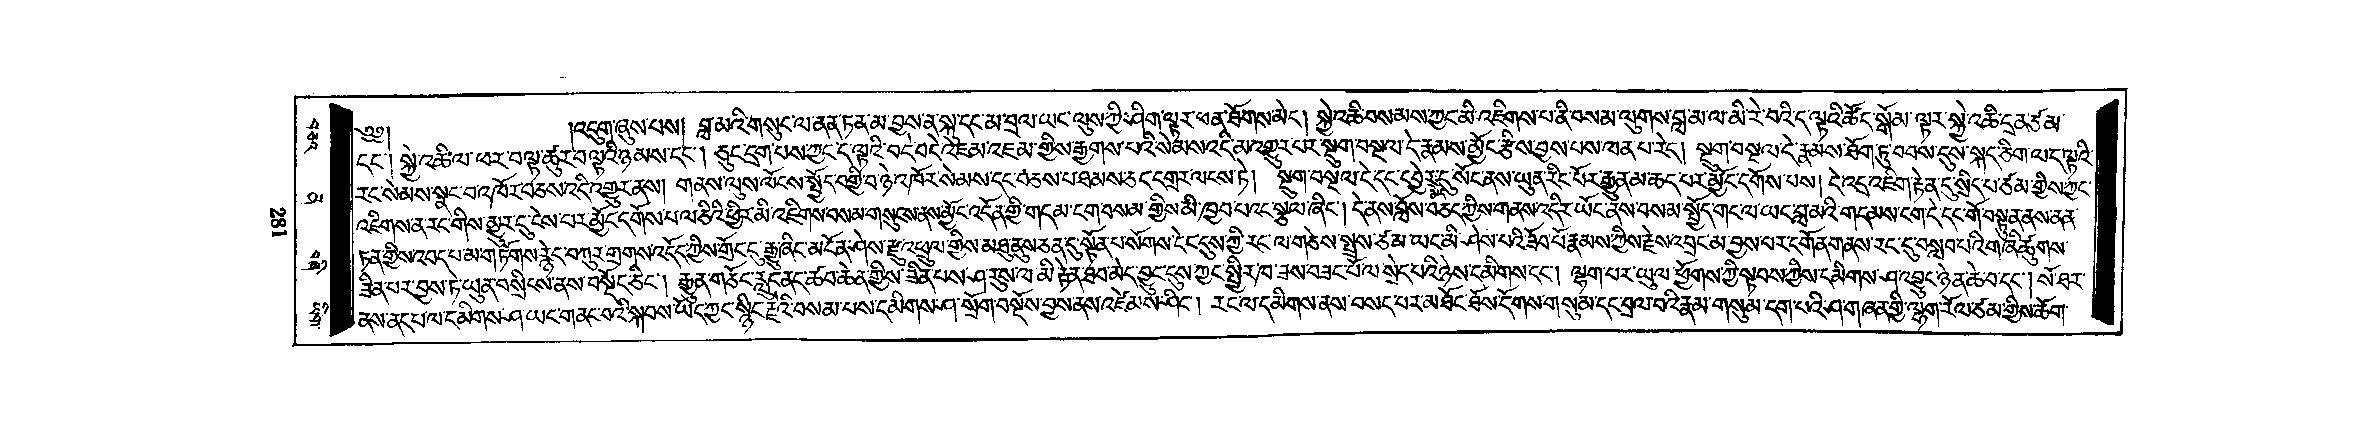༄༅། །འདུག་ཞུས་པས། བླ་མའི་གསུང་ལ་ནན་ཏན་མ་བྱས་ན་སྐུ་དང་མ་བྲལ་ཡང་ལུས་ཀྱི་ཤིག་ལྟར་ཕན་ཐོགས་མེད། སྐྱེ་འཆི་བསམས་ཀྱང་མི་འཇིགས་པ་ནི་བསམ་ལུགས་བླ་མ་ལ་མི་རེ་བའི་ད་ལྟའི་ཚོད་སྒོམ་ལྟར་སྐྱེ་འཆི་དྲན་ཙམ་
དང་། སྐྱེ་འཆི་ལ་ཕར་བལྟ་ཚུར་བལྟའི་ཉམས་དང་། ཅུང་དྲག་པས་ཀྱང་ད་ལྟའི་བདེ་བདེ་འཇམ་འཇམ་གྱིས་རྒྱགས་པའི་སེམས་འདི་མ་འགྱུར་པར་སྡུག་བསྔལ་དེ་རྣམས་མྱོང་རྩིས་བྱས་པས་ལན་པ་རེད། སྡུག་བསྔལ་དེ་རྣམས་ཐོག་ཏུ་བབས་དུས་སྐད་ཅིག་ལ་ད་ལྟའི་
རང་སེམས་སྣང་བ་འཁོར་བཅས་འདི་འགྱུར་ནས། གནས་ལུས་ལོངས་སྤྱོད་བགྱི་བ་ཉེ་འཁོར་སེམས་དང་བཅས་པ་ཐམས་ཅད་དགྲར་ལངས་ཏེ། སྡུག་བསྔལ་དེ་དང་དབྱེར་མེད་དུ་སོང་ནས་ཡུན་རིང་པོར་རྒྱུན་མ་ཆད་པར་མྱོང་དགོས་པས། དེ་འདྲ་འཇིག་རྟེན་དུ་སྲིད་པ་ཙམ་གྱིས་ཀྱང་
འཇིགས་ན་རང་གིས་མྱུར་དུ་ངེས་པར་མྱོང་དགོས་པ་ལ་ཅིའི་ཕྱིར་མི་འཇིགས་བསམ་གསུངས་ནས་མྱོང་འདོན་གྱི་གདམ་ངག་བསམ་གྱིས་མི་ཁྱབ་པའང་སྩལ་ཞིང་། དེ་ནས་བློས་བཅད་ཀྱིས་གནས་འདིར་ཡོང་ནས་བསམ་སྤྱོད་གང་ལ་ཡང་བླ་མའི་གདམས་ངག་དེ་དང་གོ་བསྟུན་ནས་ནན་
ཏན་གྱིས་འབད་པ་མ་གཏོགས་རྙེད་བཀུར་གྲགས་འདོད་ཀྱིས་གྲོང་དུ་རྒྱུ་ཞིང་མངོན་ཤེས་རྫུ་འཕྲུལ་གྱིས་མཐུ་ནུས་ཅན་དུ་སྟོན་པ་སོགས་དེང་དུས་ཀྱི་རང་ལ་གཅེས་སྤྲས་ཙམ་ཡང་མི་ཤེས་པའི་ཟོབ་པོ་རྣམས་ཀྱིས་རྗེས་འབྲང་མ་བྱས་པར་དགོན་གནས་རང་དུ་བསླབ་པའི་གཞི་ཚུགས་
ཟིན་པར་བྱས་ཏེ་ཡུན་བསྲིངས་ནས་བསྡོད་ཅིང་། རྒྱུན་གཅོང་རླུང་ནད་ཚབ་ཆེན་གྱིས་ཟིན་པས་ཤ་རུས་ལ་མི་རྟེན་ཐབ་མེད་བྱུང་དུས་ཀྱང་སྤྱིར་ཁ་ཟས་བཟང་པོ་ལ་སྲེད་པའི་ཉེས་དམིགས་དང་། ལྷག་པར་ཡུལ་ཕྱོགས་ཀྱི་སྟབས་ཀྱིས་དམིགས་ཤ་འབྱུང་ཉེན་ཆེ་བ་དང་། སོ་ཐར་
ནས་ནད་པ་ལ་དམིགས་ཤ་ཡང་གནང་བའི་སྐབས་ཡོད་ཀྱང་སྙིང་རྗེའི་བསམ་པས་དམིགས་ཤ་སྲོག་བསྡོས་བྱས་ནས་འཛེམས་ཤིང་། རང་ལ་དམིགས་ནས་བསད་པར་མཐོང་ཐོས་དོགས་གསུམ་དང་བྲལ་བའི་རྣམ་གསུམ་དག་པའི་ཤ་གཞན་གྱི་ལྷག་རོལ་ཙམ་གྱིས་ཆོག་